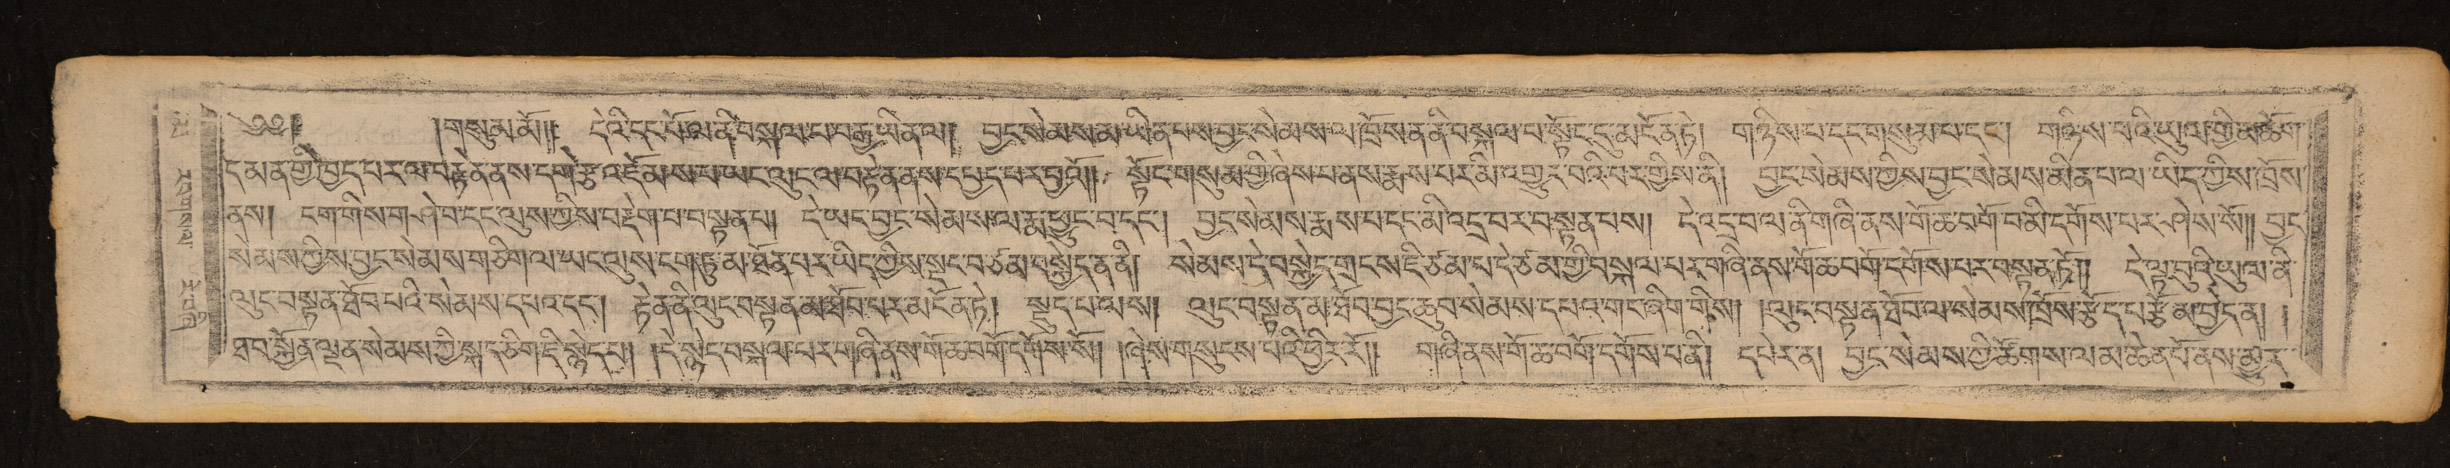༄༅། །གསུམ་མོ།། དེའི་དང་པོ་ལ་ནི་བསྐལ་པ་བརྒྱ་ཡིན་ལ། བྱང་སེམས་མ་ཡིན་པས་བྱང་སེམས་ལ་ཁྲོས་ན་ནི་བསྐལ་པ་སྟོང་དུ་མངོན་ཏེ། གཉིས་པ་དང་གསུམ་པ་དང་། གཉིས་པའི་ཡུལ་གྱི་མཆོག་
དམན་གྱི་ཁྱད་པར་ལ་བརྟེན་ནས་དགེ་རྩ་འཇོམས་པ་ཡང་ལུང་ལ་བརྟེན་ནས་དཔྱད་པར་བྱའོ།། སྟོང་གསུམ་གྱི་ཞེས་པ་ནས་རྨས་པར་མི་འགྱུར་བའི་བར་གྱིས་ནི། བྱང་སེམས་ཀྱིས་བྱང་སེམས་མིན་པ་ལ་ཡིད་ཀྱིས་ཁྲོས་
ནས། ངག་གིས་གཤེ་བ་དང་ལུས་ཀྱིས་བརྡེག་པ་བསྟན་པ། དེ་ཡང་བྱང་སེམས་ལ་རྨ་ཕྱུང་བ་དང་། བྱང་སེམས་རྨས་པ་དང་མི་འདྲ་བར་བསྟན་པས། དེ་འདྲ་བ་ལ་ནི་གཞི་ནས་གོ་ཆ་བགོ་བ་མི་དགོས་པར་ཤེས་སོ།། བྱང་
སེམས་ཀྱིས་བྱང་སེམས་གཅིག་ལ་ཡང་ལུས་ངག་ཏུ་མ་ཐོན་པར་ཡིད་ཀྱིས་སྡང་བ་ཙམ་བསྐྱེད་ན་ནི། སེམས་དེ་བསྐྱེད་གྲངས་ཇི་ཙམ་པ་དེ་ཙམ་གྱི་བསྐལ་པར་གཞི་ནས་གོ་ཆ་བགོ་དགོས་པར་བསྟན་ཏོ།། དེ་ལྟ་བུའི་ཡུལ་ནི་
ལུང་བསྟན་ཐོབ་པའི་སེམས་དཔའ་དང་། རྟེན་ནི་ལུང་བསྟན་མ་ཐོབ་པར་མངོན་ཏེ། སྡུད་པ་ལས། ལུང་བསྟན་མ་ཐོབ་བྱང་ཆུབ་སེམས་དཔའ་གང་ཞིག་གིས། །ལུང་བསྟན་ཐོབ་ལ་སེམས་ཁྲོས་རྩོད་པ་རྩོམ་བྱེད་ན།།
ཐ་བ་སྐྱོན་ལྡན་སེམས་ཀྱི་སྐད་ཅིག་ཇི་སྙེད་པ། །དེ་སྙེད་བསྐལ་པར་གཞི་ནས་གོ་ཆ་བགོ་དགོས་སོ། །ཞེས་གསུངས་པའི་ཕྱིར་རོ།། གཞི་ནས་གོ་ཆ་བགོ་དགོས་པ་ནི། དཔེར་ན། བྱང་སེམས་ཀྱི་ཚོགས་ལམ་ཆེན་པོ་ནས་མྱུར་